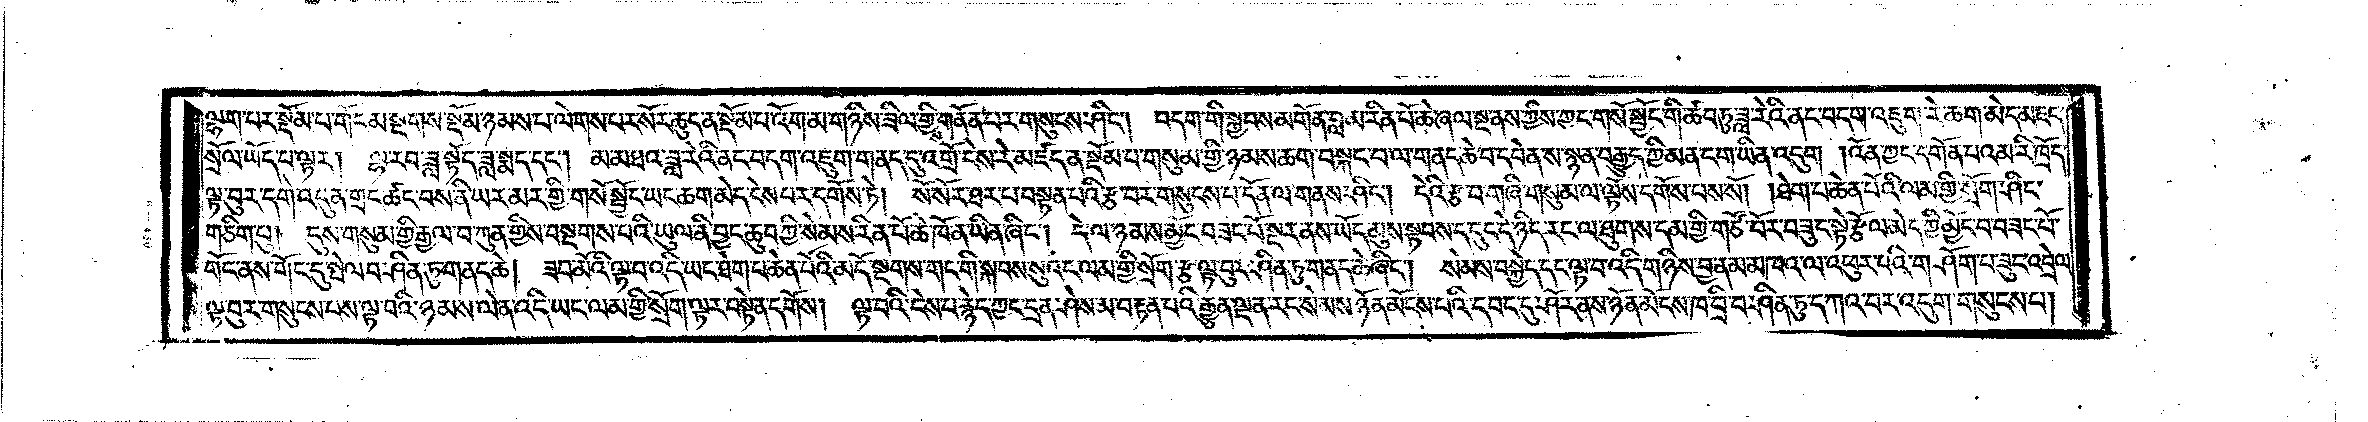ལྷག་པར་སྡོམ་པ་གོང་མ་སྔགས་སྡོམ་ཉམས་པ་ལེགས་པར་སོར་ཆུད་ན་སྡོམ་པ་འོག་མ་གཉིས་ཟིལ་གྱིས་གནོན་པར་གསུངས་ཤིང་། བདག་གི་སྐྱབས་མགོན་བླ་མ་རིན་པོ་ཆེ་ཞལ་སྔ་ནས་ཀྱིས་ཀྱང་གསོ་སྦྱོང་གི་ཚབ་ཏུ་ཟླ་རེའི་ནང་བདག་འཇུག་རེ་ཆག་མེད་མཛད་
སྲོལ་ཡོད་པ་ལྟར། ལྷ་རབ་ཟླ་སྟོད་ཟླ་སྨད་དང་། མ་མཐའ་ཟླ་རེའི་ནང་བདག་འཇུག་གནད་དུ་འགྲོ་ངེས་རེ་མཛད་ན་སྡོམ་པ་གསུམ་གྱི་ཉམས་ཆག་བསྐང་བ་ལ་གནད་ཆེ་བ་དབེན་ས་སྙན་བརྒྱུད་ཀྱི་མན་ངག་ཡིན་འདུག །འོན་ཀྱང་དགོན་པའམ་རི་ཁྲོད་
ལྟ་བུར་དགེ་འདུན་གྲང་ཚང་བས་ནི་ཡར་མར་གྱི་གསོ་སྦྱོང་ཡང་ཆག་མེད་ངེས་པར་དགོས་ཏེ། སོ་སོར་ཐར་པ་བསྟན་པའི་རྩ་བར་གསུངས་པ་དོན་ལ་གནས་ཤིང་། དེའི་རྩ་བ་གཞི་གསུམ་ལ་ལྟོས་དགོས་པས་སོ། །ཐེག་པ་ཆེན་པོའི་ལམ་གྱི་སྲོག་ཤིང་
གཅིག་པུ། དུས་གསུམ་གྱི་རྒྱལ་བ་ཀུན་གྱིས་བསྔགས་པའི་ཡུལ་ནི་བྱང་ཆུབ་ཀྱི་སེམས་རིན་པོ་ཆེ་ཁོ་ན་ཡིན་ཞིང་། དེ་ལ་ཉམས་མྱོང་བཟང་པོ་སྔར་ནས་ཡོད་མུས་སྟབས་ད་དུང་དེ་ཉིད་རང་ལ་ཐུགས་དམ་གྱི་གཙོ་བོར་བཟུང་སྟེ་རྩོལ་མེད་ཀྱི་མྱོང་བ་བཟང་པོ་
གོང་ནས་གོང་དུ་སྤེལ་བ་ཤིན་ཏུ་གནད་ཆེ། ཟབ་མོའི་ལྟ་བ་འདི་ཡང་ཐིག་པ་ཆེན་པོའི་མདོ་སྔགས་གང་གི་སྐབས་སུའང་ལམ་གྱི་སྲོག་རྩ་ལྟ་བུར་ཤིན་ཏུ་གནད་ཆེ་ཞིང་། སེམས་བསྐྱེད་དང་ལྟ་བ་འདི་གཉིས་བྱ་ནམ་མཁའ་ལ་འཕུར་པའི་གཤོག་པ་ཟུང་འབྲེལ་
ལྟ་བུར་གསུངས་པས་ལྟ་བའི་ཉམས་ལེན་འདི་ཡང་ལམ་གྱི་སྲོག་ལྟར་བསྟེན་དགོས། ལྟ་བའི་ངེས་པ་རྙེད་ཀྱང་དྲན་ཤེས་མ་བརྟན་པའི་རྒྱུན་ལྡན་རང་སེམས་ཉོན་མོངས་པའི་དབང་དུ་ཤོར་ནས་ཉོན་མོངས་ཁ་བྲི་བ་ཤིན་ཏུ་དཀའ་བར་འདུག་གསུངས་པ།